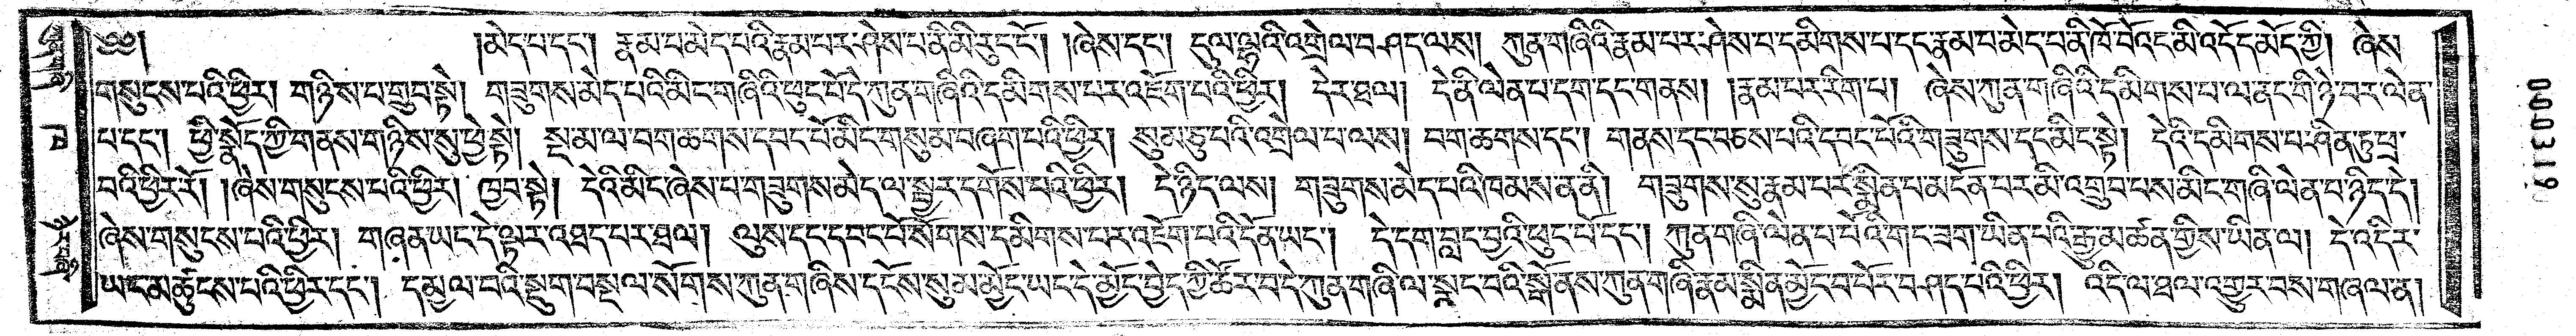༄༅། །མེད་པ་དང་། རྣམ་པ་མེད་པའི་རྣམ་པར་ཤེས་པ་ནི་མི་རུང་ངོ། །ཞེས་དང་། དུལ་ལྷའོ་འགྲེལ་བཤད་ལས། ཀུན་གཞིའི་རྣམ་པར་ཤེས་པ་དམིགས་པ་དང་རྣམ་པ་མེད་པ་ནི་ཁོ་བོའང་མི་འདོད་མོད་ཀྱི། ཞེས་
གསུངས་པའི་ཕྱིར། གཉིས་པ་གྲུབ་སྟེ། གཟུགས་མེད་པའི་མིང་གཞིའི་ཕུང་པོ་དེ་ཀུན་གཞིའི་དམིགས་པར་འཇོག་པའི་ཕྱིར། དེར་ཐལ། དེ་ནི་ལེན་པ་དག་དང་གནས། །རྣམ་པར་རིག་པ། ཞེས་ཀུན་གཞིའི་དམིགས་པ་ལ་ནང་གི་ཉེ་བར་ལེན་
པ་དང་། ཕྱི་སྣོད་ཀྱི་གནས་གཉིས་སུ་ཕྱེ་སྟེ། སྔ་མ་ལ་བག་ཆགས་དབང་པོ་མིང་གསུམ་བཞག་པའི་ཕྱིར། སུམ་ཅུ་པའི་འགྲེལ་པ་ལས། བག་ཆགས་དང་། གནས་དང་བཅས་པའི་དབང་པོའི་གཟུགས་དང་མིང་སྟེ། དེའི་དམིགས་པ་ཤིན་ཏུ་ཕྲ་
བའི་ཕྱིར་རོ། །ཞེས་གསུངས་པའི་ཕྱིར། ཁྱབ་སྟེ། དེའི་མིང་ཞེས་པ་གཟུགས་མེད་ལ་སྦྱར་དགོས་པའི་ཕྱིར། དེ་ཉིད་ལས། གཟུགས་མེད་པའི་ཁམས་ན་ནི། གཟུགས་སུ་རྣམ་པར་སྨིན་པ་མངོན་པར་མི་འགྲུབ་པས་མིང་གཞི་ལེན་པ་ཉིད་དེ།
ཞེས་གསུངས་པའི་ཕྱིར། གཞན་ཡང་དེ་ལྟར་འཐད་པར་ཐལ། ལུས་དང་དབང་པོ་སོགས་དམིགས་པར་འཇོག་པའི་དོན་ཡང་། དེ་དག་བླང་བྱའི་ཕུང་པོ་དང་། ཀུན་གཞི་ལེན་པ་པོའི་གང་ཟག་ཡིན་པའི་རྒྱུ་མཚན་གྱིས་ཡིན་ལ། དེ་འདིར་
ཡང་མཚུངས་པའི་ཕྱིར་དང་། དམྱལ་བའི་སྡུག་བསྔལ་སོགས་ཀུན་གཞིས་དངོས་སུམ་མྱོང་ཡང་དེ་མྱོང་བྱེད་ཀྱི་ཚོར་བ་དེ་ཀུན་གཞི་ལ་སྣང་བའི་སྒོ་ནས་ཀུན་གཞི་རྣམ་སྨིན་མྱོང་བ་པོར་བཤད་པའི་ཕྱིར། འདི་ལ་ཐལ་འགྱུར་བས་གཞལ་ན།